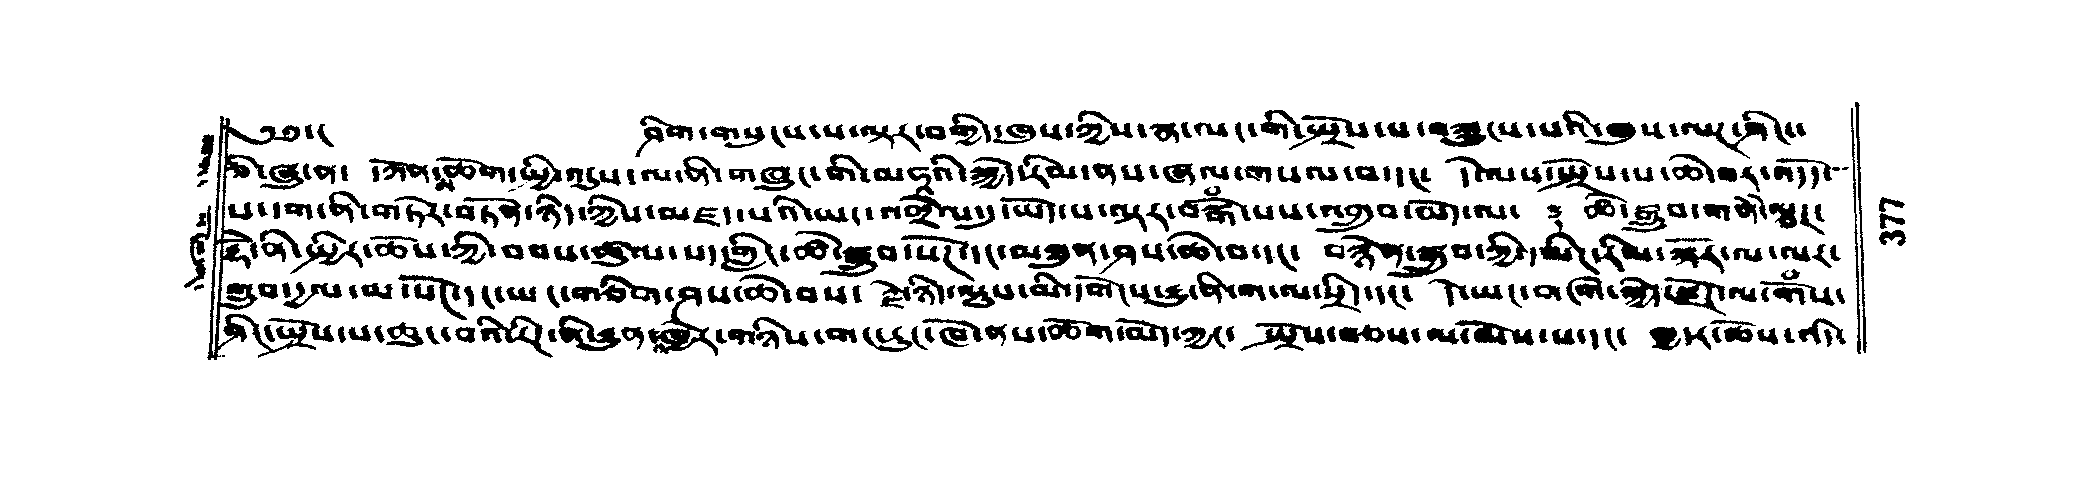ཤིག་གསུངས་པ་ལྟར་བགྱིད་ཁུས་ཀྱིས་སྣ་མང་གི་སྤྲོས་པ་བསྐྱུངས་པའི་ཁུས་ལགས་ཤིང་། 
ཅི་ཞུ་ན། དཀོན་མཆོག་སྤྱི་འདུས་ལ་ནི་གཞུང་གི་མ་ཧཱའི་བསྐྱེད་རིམ་ནས་ཞལ་གསལ་བ་དང་། དེ་ལས་སྤྲོས་པ་ཆེ་བར་འདོད་
པ་དག་ནི་གཏེར་བཏོན་ཉིད་ཀྱིད་མཛད་པའི་ཡང་འགྲེལ་དུ་ཡོད་པ་ལྟར་བསྒོམ་པས་འགྲུབ་མོད་ལ། ༈ཚེ་སྒྲུབ་གནམ་ལྕགས་
རྡོ་རྗེ་ནི་སྤྱིར་ཆོས་ཀྱི་བབས་ཚུལ་པད་གླིང་ཚེ་སྒྲུབ་སོགས་དང་མཐུན་ཤས་ཆེ་བ་དང་།བསྙེན་སྒྲུབ་ཀྱི་དམིགས་རིམ་སྐོར་ལ་ལར་
གྲུབ་རྒྱལ་མ་སོགས་དང་ཡང་གཅིག་ཤས་ཆེ་བས། རྗེ་ཉིད་ལྟ་བུས་མི་དགོངས་རྒྱུ་ནི་ག་ལ་སྲིད་དང་། དེ་ཡང་གདམས་ངག་བསྐྱེད་རྫོགས་ལ་གོམས་
ཤིང་སྤྲོས་པ་ཆུང་བའི་རིགས་ནི་རྒྱུན་འཁྱེར་གཉིས་གང་རུང་ཁོ་ནས་ཆོག་མོད་ཀྱང་། སྤྲོས་བཅས་ལ་མོས་པ་དང་། ཁྱད་པར་ཆོས་འདི་